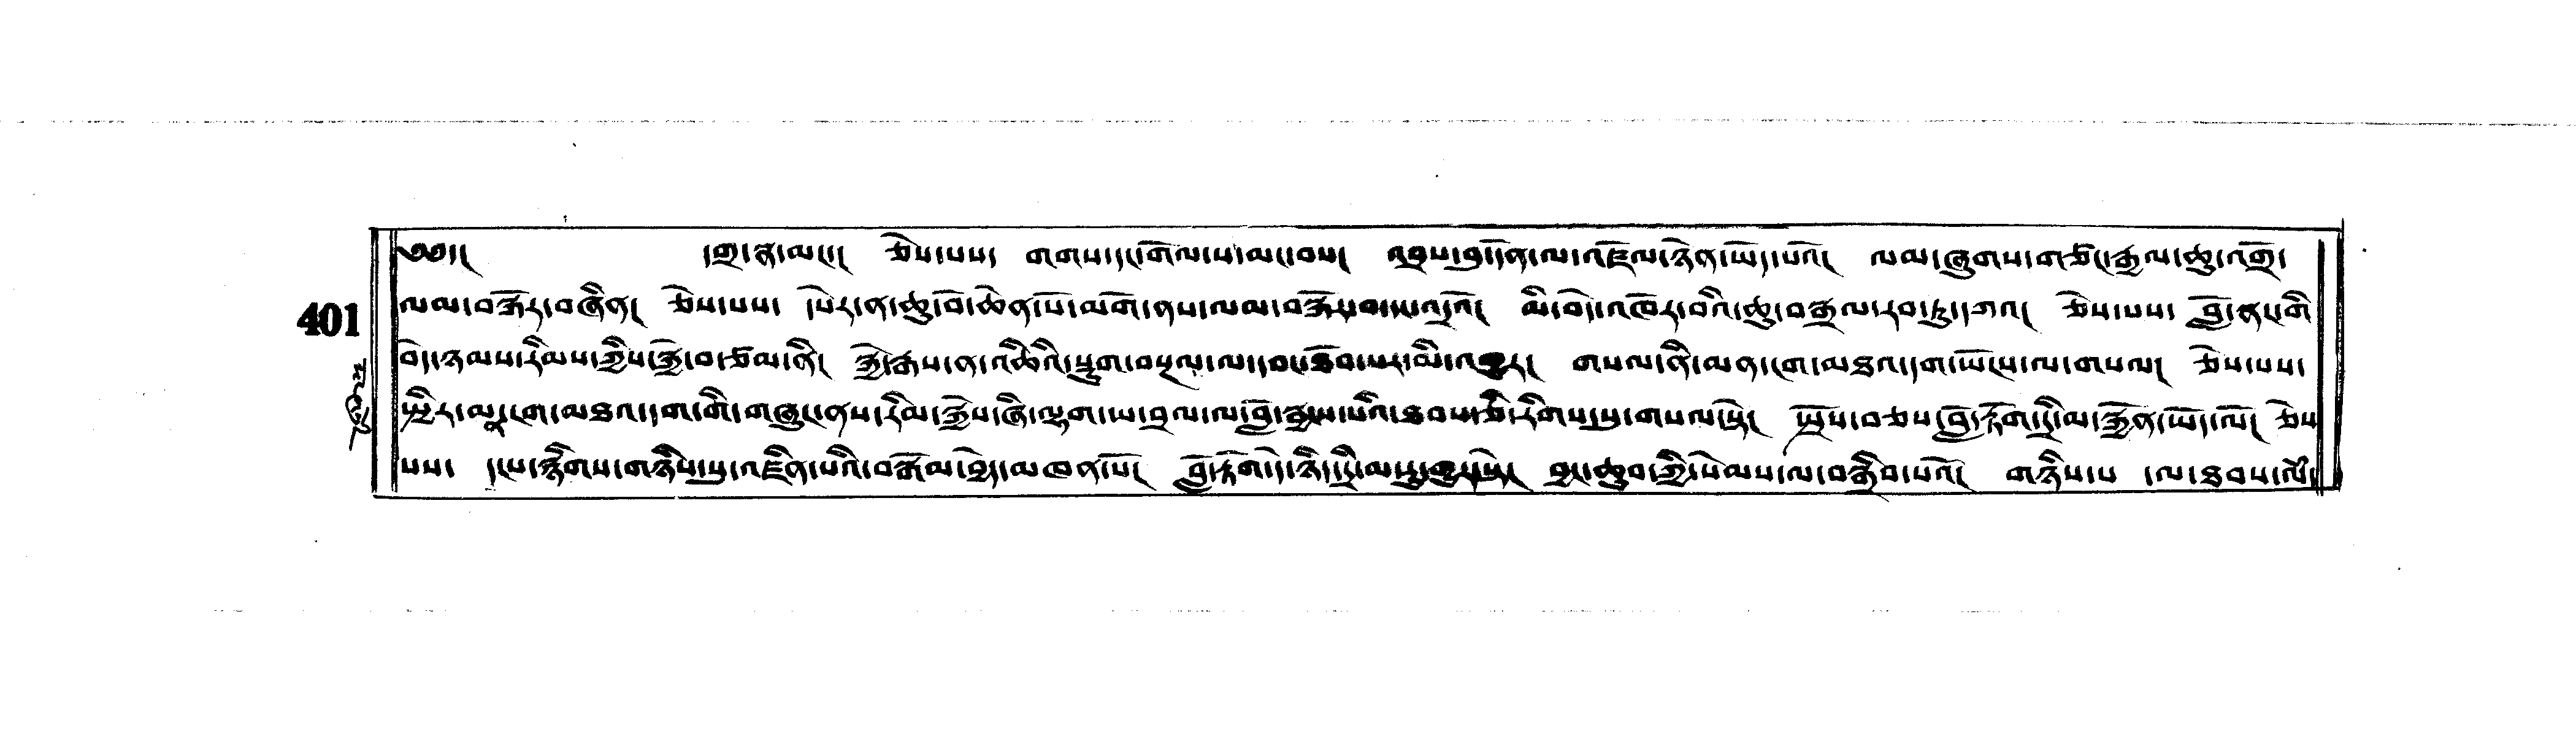དགྲ་སྣ་མང་། ཅེས་པས། གགས་སང་གོལ་ས་མང་བས། འབྲས་བུ་དོན་ལ་འཛོལ་ཉེན་ཡོད་པའོ། ལམ་ཞུགས་གཙང་རྒྱལ་ཆུ་འགྲོ་
ལམ་བསྐོར་བཞིན། ཅེས་པས། དཔེར་ན་ཆུ་བོ་ཆེན་པོ་འགོ་ནས་ལམ་བསྐོར་བ་དང་འདྲའོ། མི་བདེ་འཁོར་བའི་ཆུ་བསྒྲལ་རབ་ཏུ་དཀའ། ཅེས་པས། བློ་སྣང་གི་
བདེ་ཉམས་རིམ་གྱིས་སྐྱེ་བ་ཙམ་ནི། སྐྱེ་རྒ་ན་འཆིའི་སྡུག་བསྔལ་ལ་དབང་ཐོབ་པར་མི་འགྱུར། གསལ་ནི་མན་ངག་མཐའ་དག་ཡོངས་ལ་གསལ། 
སྤྱིར་མན་ངག་མཐའ་དག་གི་གཞུང་ནས་རིམ་སྐྱེས་ཞི་ལྷག་ཡ་བྲལ་ལ་བློ་སྦྱང་བའི་ཐབས་ཅི་རིགས་སུ་གསལ་ཏེ། སྤྲོས་བཅས་བློ་རྟོག་དྲི་མ་སྐྱོན་ཡོད་ལོ། ཅེས་
པས། དངས་སྙིགས་གཉིས་སུ་འཛིན་པའི་སྒོམ་བྱེད་མཁན་པོ། བློ་རྟོག་དེ་ཉིད་དྲི་མ་རུ་གྱུར་ཏེ། བྱང་ཆུབ་ཀྱི་སེམས་ལ་བསྒྲིབས་པའོ། གཉིས་པ་ལ་ཐབས་ལམ་